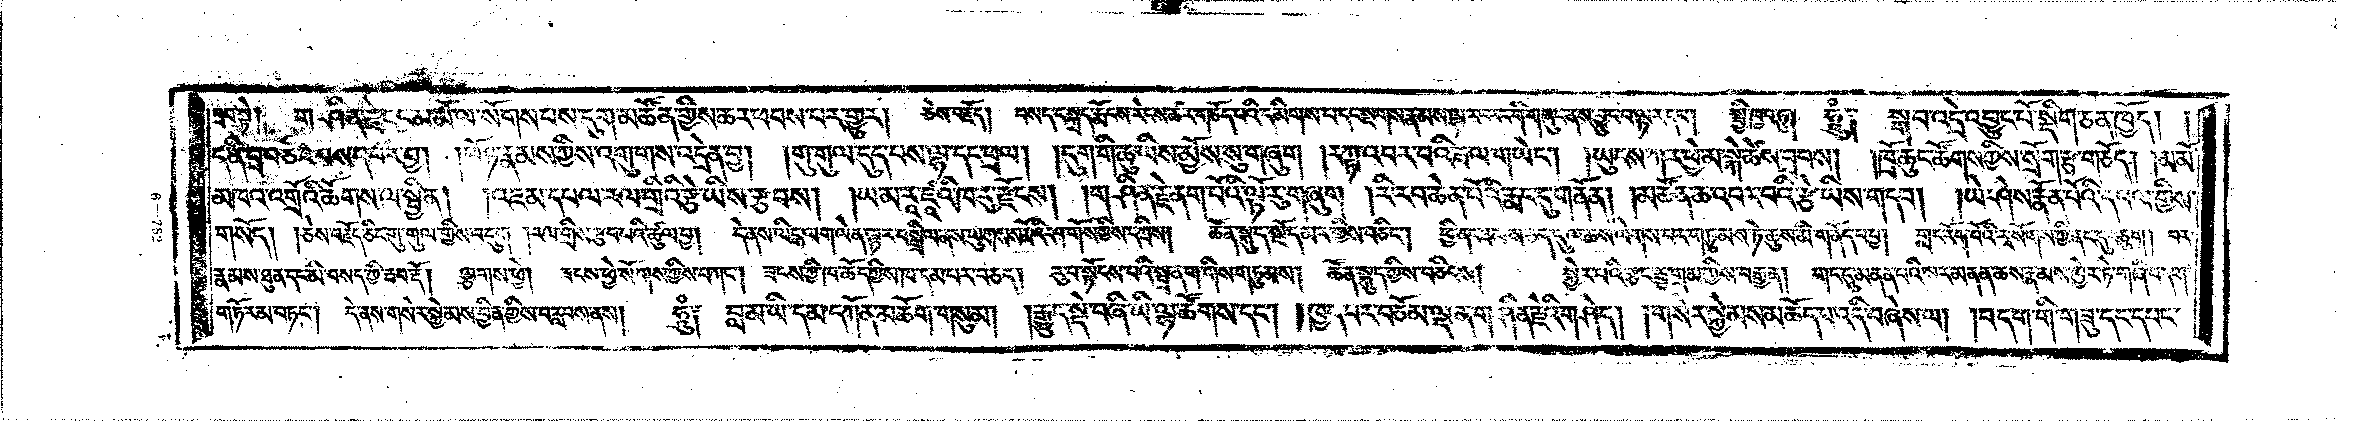ཟབ་སྟེ། གཤིན་ནི་དང་མ་མོ་ལས་སོགས་པས་དུག་མཚོན་གྱིས་ཆར་ཕབས་པར་གྱུར། ཅེས་བརྗོད། བསད་བསྐད་རྨོངས་རེངས་ཚར་གཅོད་པའི་དམིགས་པ་དང་སྔགས་རྣམས་ལྷ་རངཱང་གི་གཞུང་ནས་བྱུང་བ་ལྟར་དང་། སྤྱི་ཁྱབ་ཏུ། ཧཱུཾཿ སྒབ་འདྲེ་འབྱུང་པོ་སྡིག་ཅན་ཁྱོད།།
ད་ནི་བྲབ་ཅིང་བསད་པར་བྱ། །ཕོ་ཉ་རྣམས་ཀྱིས་འགུགས་འདྲེན་བྱ། །གུ་གུལ་དུད་པས་ལྷ་དང་ཕྲལ། །དུག་གི་ཆུ་ཡིས་མྱོས་སུ་གཞུག །རཀྟ་འབར་བའི་རྦལ་གཡེང་། །ཡུངས་ཀར་ཕྱེ་མ་སྐེ་ཚེས་བྲབས། །ཁྲོ་ཆུང་ཚོགས་ཀྱིས་སྲོག་རྩ་གཅོད། །མ་མོ་
མཁའ་འགྲོའི་ཚོགས་ལ་སྦྱིན། །འཇམ་དཔལ་རལ་གྲིའི་རྩེ་ཡིས་རྩབས། །ཡ་མ་རཱ་ཛཱའི་ཁ་རུ་རྫོངས། །གཤིན་རྗེ་ནག་པོའི་ལྟོ་རུ་གཞུག །རི་རབ་ཆེན་པོའི་རྨད་དུ་གནོན། །མཚོན་ཆ་འབར་བའི་རྩེ་ཡིས་གདབ། །ཡེ་ཤེས་རྣོན་པོའི་དཔལ་གྱིས་
གསོད། །ཅེས་བརྗོད་ཅིང་གུ་གུལ་གྱིས་བདུག །རལ་གྲིས་རྩབ་བའི་ཚུལ་བྱ། དེ་ནས་ལིངྒ་ལག་ལེན་ལྟར་བསྒྲིལ་ནས་ལུགས་ས་མོའི་ཤ་གོས་ཀྱིས་དཀྲིས། ཆོན་སྐུད་སྔོ་དམར་གྱིས་བཅིང་། ཕྱི་ནང་ཐམས་ཅད་དུལ་ཆས་ལེགས་པར་གཏུམས་ཏེ་ཆུས་མི་གནོད་པ་བྱ། །གླང་རོག་པའི་རྭ་སོགས་ཀྱི་ནང་དུ་བཅུག །བར་
རྣམས་ཐུན་དང་མི་བསད་ཀྱི་རྦབ་རྡོ། །ལྕགས་ཕྱེ། ཟངས་ཕྱེ་སོགས་ཀྱིས་བཀང་། ཟངས་ཀྱི་ཁ་ཆོད་ཀྱིས་ཁ་དམ་པར་བཅད། རུ་བ་སྟོངས་པའི་སྦྲ་ནག་གིས་གཏུམས། ཚོན་སྐུད་ཀྱིས་བཅིངས། སྐྱེར་པའི་རྩང་རྒྱ་གྲམ་གྱིས་བརྒྱན། །གང་དུ་མནན་པའི་སར་མནན་ཆས་རྣམས་ཁྱེར་ཏེ་གཞི་བདག་
གཏོར་མ་བཏང་། དེ་ནས་གསེར་སྐྱེམས་བྱིན་གྱིས་བརླབས་ནས། ཧཱུཾ༑ བླ་མ་ཡི་དམ་དཀོན་མཆོག་གསུམ། །རྒྱུད་སྡེ་བཞི་ཡི་ལྷ་ཚོགས་དང་། །ཁྱད་པར་བཅོམ་ལྡན་གཤིན་རྗེའི་གཤེད། །གསེར་སྐྱེམས་མཆོད་པ་འདི་བཞེས་ལ། །བདག་གི་གཟུ་དང་དབང་